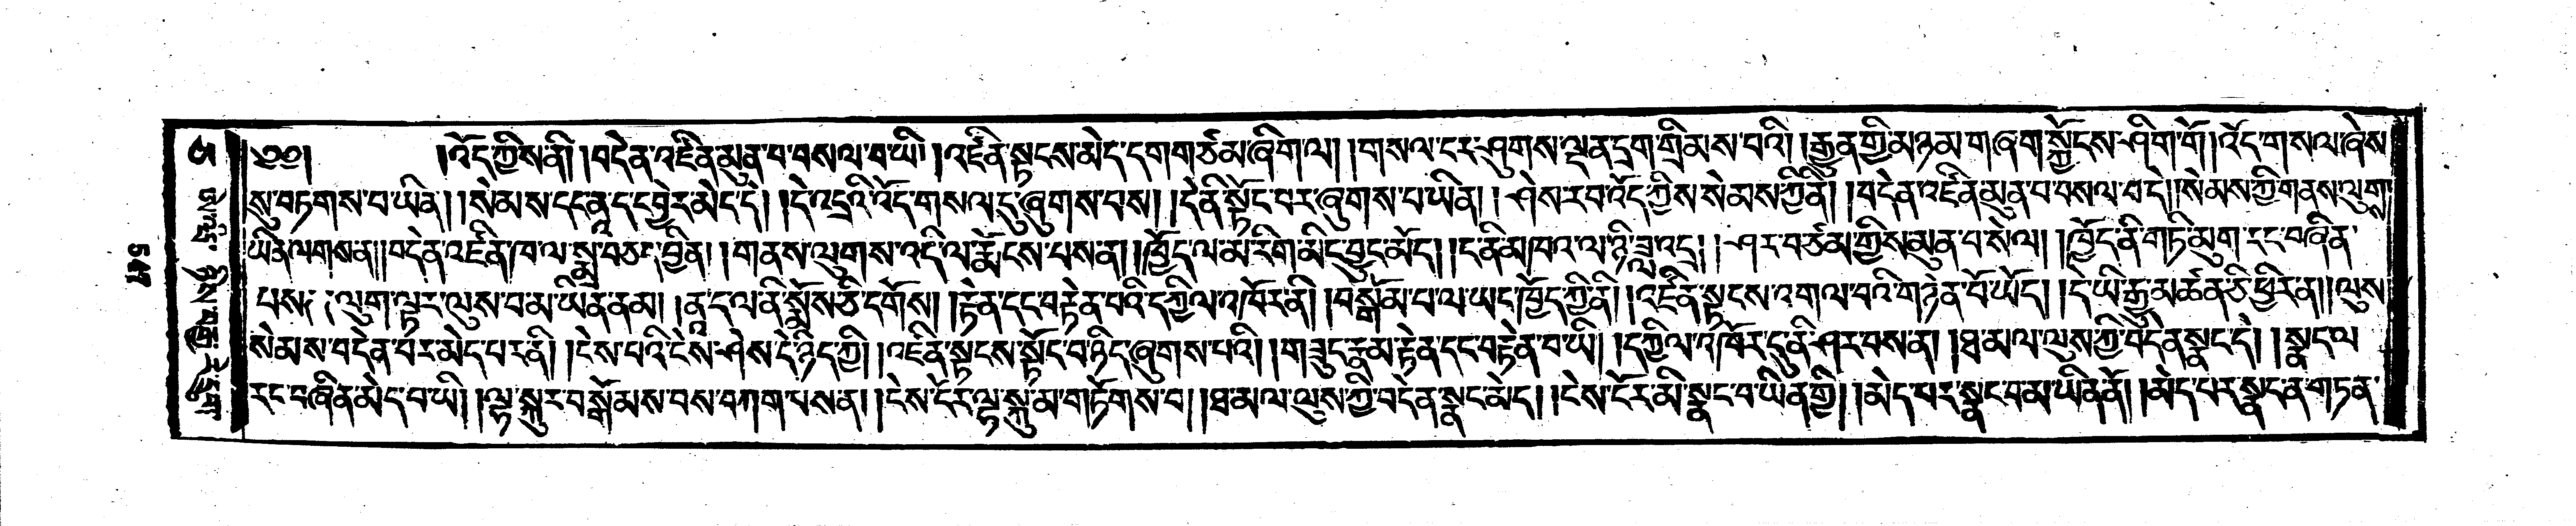༄༅། །འོ་ཀྱིས་ནི། །བདེན་འཛིན་མུན་པ་བསལ་བ་ཡི། འཛིན་སྟངས་མེད་དགག་ཙམ་ཞིག་ལ། གསལ་བར་ཤུགས་ལྡན་དྲག་གྲིམས་པའི། །རྒྱུན་གྱི་མཉམ་གཞག་སྐྱོངས་ཤིག་གོ །འོད་གསལ་ཞེས་
སུ་བཏགས་པ་ཡིན། །སེམས་དང་ནཱ་དབྱེར་མེད་དེ། །དེ་འདྲའི་འོད་གསལ་དུ་ཞུགས་པས། དེ་ནི་སྟོང་པར་ཞུགས་པ་ཡིན། །ཤེས་རབ་འོད་ཀྱིས་སེམས་ཀྱི་ནི། །བདེན་འཛིན་མུན་པ་བསལ་བ་དེ། །སེམས་ཀྱི་གནས་གནས་ལུགས་
ཡིན་ལགས་ན། །བདེན་འཛིན་ཁ་ལ་སྨྲ་བཅད་བྱིན། །གནས་ལུགས་འདི་ལ་རྨོངས་པས་ན། །ཁྱོད་ལ་རིག་མིང་བྱུང་མོད། །ང་ནི་མཁའ་ལ་ཉི་ཟླ་འདྲ། །ཤར་བ་ཙམ་གྱིས་མུན་པ་སེལ། །ཁྱོད་ནི་གཏི་མུག་རང་བཞིན་
ལས༑ ༑ལུག་ལྟར་ལུས་པ་མ་ཡིན་ནམ། །ནཱ་ད་ལ་ནི་སྨོས་ཅི་དགོས། །རྟེན་དང་བརྟེན་པའི་དཀྱིལ་འཁོར་ནི། །བསྒོམ་པ་ལ་ཡང་ཁྱོད་ཀྱི་ནི། །འཛིན་སྟངས་འགལ་བའི་གཉེན་པོ་ཡོད། །དེ་ཡི་རྒྱུ་མཚན་ཅི་ཕྱིར་ན། །ལུས་
སེམས་བདེན་པར་མེད་པར་ནི། །ངེས་པའི་ངེས་ཤེས་དེ་ཉིད་ཀྱི། །འཛིན་སྟངས་སྟོང་པ་ཉིད་ཞུགས་པའི། །གཟུང་རྣམ་རྟེན་དང་བརྟེན་པ་ཡི། །དཀྱིལ་འཁོར་དུ་ནི་ཤར་བས་ན། །ཐ་མལ་ལུས་ཀྱི་བདེན་སྣང་དེ། །སྣང་ལ་
རང་བཞིན་མེད་པ་ཡི། །ལྷ་སྐུར་བསྒོམས་པས་བཀག་པས་ན། །ངེས་ངོར་ལྷ་སྐུ་མ་གཏོགས་པ། །ཐ་མལ་ལུས་ཀྱི་བདེན་སྣང་མེད། །ངེས་ངོར་མི་སྣང་བ་ཡིན་གྱི། །མེད་པར་སྣང་བ་མ་ཡིན་ནོ། །མེད་པར་སྣང་ན་གཏན་